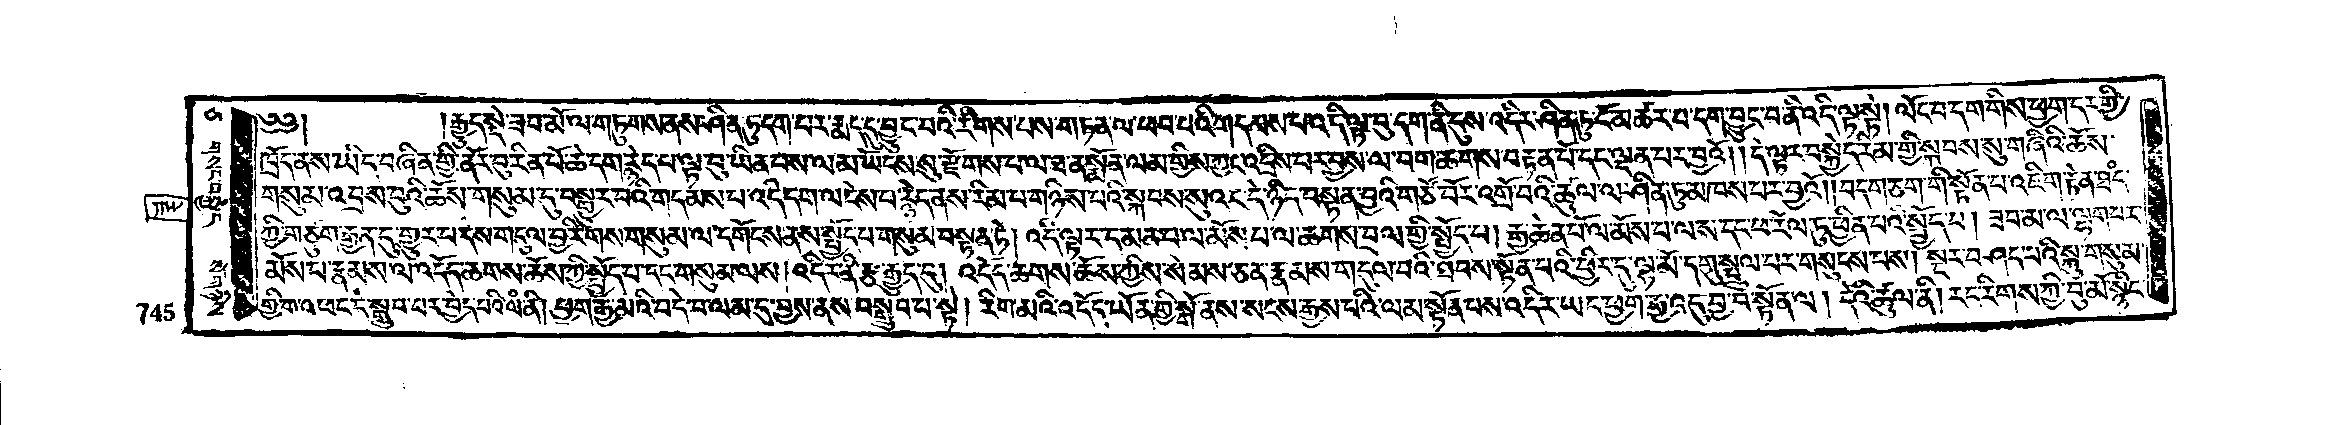༄༅། །རྒྱུད་སྡེ་ཟབ་མོ་ལ་གཏུགས་ནས་ཤིན་ཏུ་དག་པར་རྨད་དུ་བྱུང་བའི་རིགས་པས་གཏན་ལ་ཕབ་པའི་གདམས་པ་འདི་ལྟ་བུ་དག་ནི་དུས་འདིར་ཤིན་ཏུ་ངོ་མཚར་བ་དག་བྱུང་བ་ནི་འདི་ལྟ་སྟེ། ལོང་བ་དག་གིས་ཕྱག་དར་གྱི་
ཁྲོད་ནས་ཡིད་བཞིན་གྱི་ནོར་བུ་རིན་པོ་ཆེ་དག་རྙེད་པ་ལྟ་བུ་ཡིན་པས་ལམ་ཡོངས་སུ་རྫོགས་པ་ལ་ཐ་ན་སྨོན་ལམ་གྱིས་ཀྱང་འདྲིས་པར་བྱས་ལ་བག་ཆགས་བརྟན་པོ་དང་ལྡན་པར་བྱའོ། །དེ་ལྟར་བསྐྱེད་རིམ་གྱི་སྐབས་སུ་གཞིའི་ཆོས་
གསུམ་འབྲས་བུའི་ཆོས་གསུམ་དུ་བསྒྱུར་བའི་གདམས་པ་འདི་དག་ལ་ངེས་པ་རྙེད་ནས་རིམ་པ་གཉིས་པའི་སྐབས་སུའང་དེ་ཉིད་བསྟན་བྱའི་གཙོ་བོར་འགྲོ་བའི་ཚུལ་ལ་ཤིན་ཏུ་མཁས་པར་བྱའོ། །བདག་ཅག་གི་སྟོན་པ་འཇིག་རྟེན་ཐམས་ཅད་
ཀྱི་གཙུག་རྒྱན་དུ་གྱུར་པ་དེས་གདུལ་བྱ་རིགས་གསུམ་ལ་དགོངས་ནས་སྤྱོད་པ་གསུམ་བསྟན་ཏེ། འདི་ལྟར་དམན་པ་ལ་མོས་པ་ལ་ཆགས་བྲལ་གྱི་སྤྱོད་པ། རྒྱ་ཆེན་པོ་ལ་མོས་པ་ལས་དང་ཕ་རོལ་ཏུ་ཕྱིན་པའི་སྤྱོད་པ། ཟབ་མོ་ལ་ལྷག་པར་
མོས་པ་རྣམས་ལ་འདོད་ཆགས་ཆོས་ཀྱི་སྤྱོད་པ་དང་གསུམ་ལས། འདིར་ནི་རྩ་རྒྱུད་དུ། འདོད་ཆགས་ཆོས་ཀྱིས་སེམས་ཅན་རྣམས་གདུལ་བའི་ཐབས་སྟོན་པའི་ཕྱིར་དུ་ལྷ་མོ་དགུ་སྤྲུལ་པར་གསུངས་པས། སྔར་བཤད་པའི་སྐུ་གསུམ་
གྱི་གོ་འཕང་དེ་སྒྲུབ་པར་བྱེད་པའི་ལཾ་ནི། ཕྱག་རྒྱ་མའི་བདེ་བ་ལམ་དུ་བྱས་ནས་བསྒྲུབ་པ་སྟེ། རིག་མའི་འདོད་ཡོན་གྱི་སྒོ་ནས་སངས་རྒྱས་པའི་ལམ་སྟོན་པས་འདིར་ཡང་ཕྱག་རྒྱ་འདུ་བྱ་བ་སྟོན་ལ། དེའི་ཚུལ་ནི། རང་རིགས་ཀྱི་བུ་མོ་སྙིང་